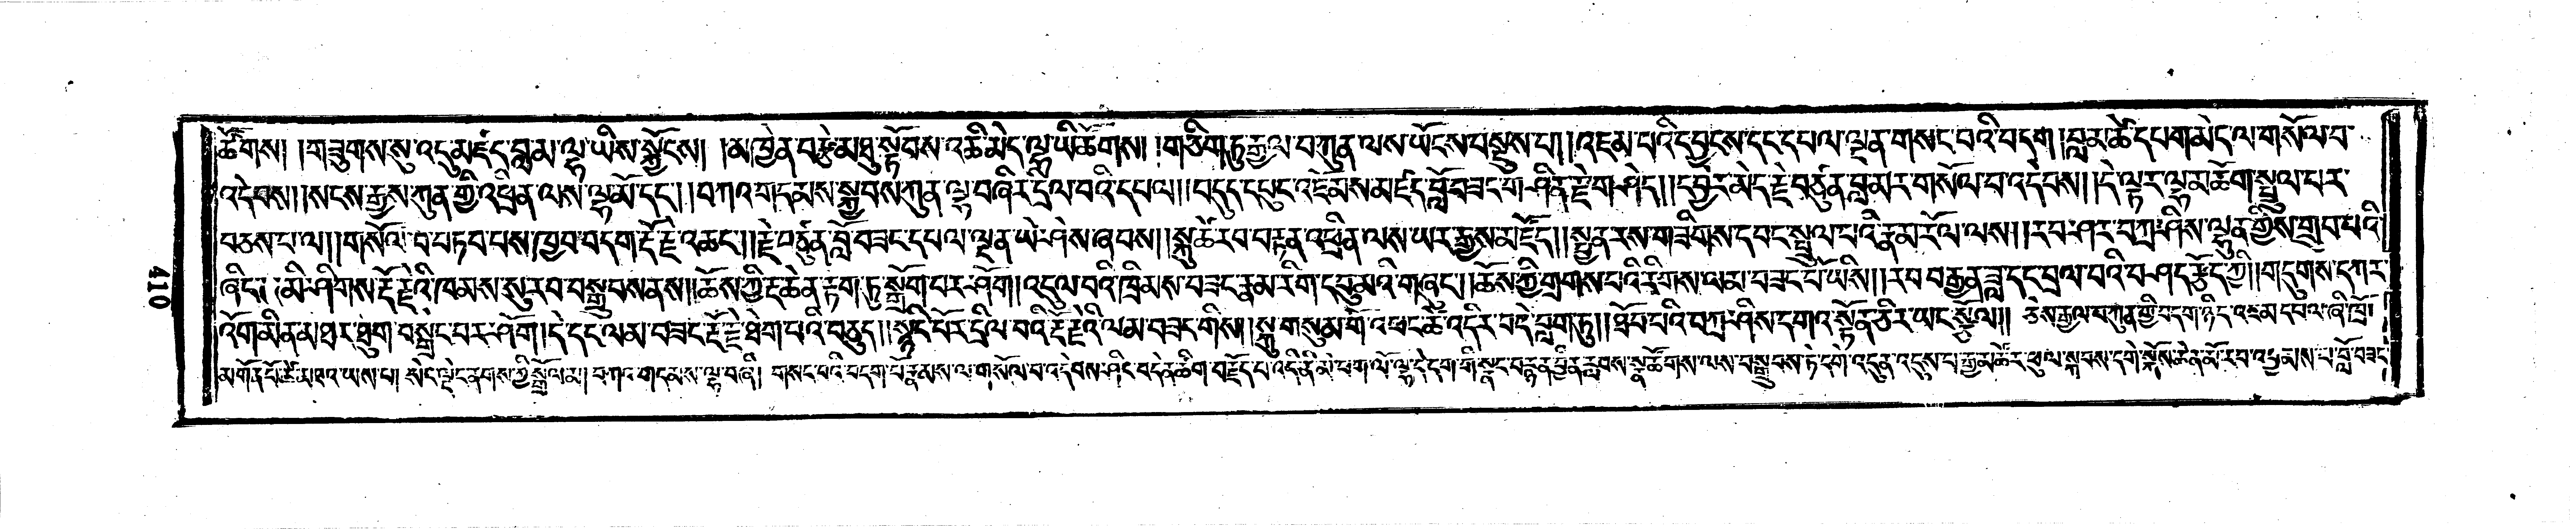ཚོགས། །གཟུགས་སུ་འདུ་མཛད་བླ་མ་ལྷ་ཡིས་སྐྱོངས། །མཁྱེན་བརྩེ་མཐུ་སྟོབས་འཆི་མེད་ལྷ་ཡི་ཚོགས། །གཅིག་ཏུ་རྒྱལ་བ་ཀུན་ལས་ཡོངས་བསྡུས་པ། །འཇམ་པའི་དབྱངས་དང་དཔལ་ལྡན་གསང་བའི་བདག །བླ་མ་ཚེ་དཔག་མེད་ལ་གསོལ་བ་
འདེབས། །སངས་རྒྱས་ཀུན་གྱི་འཕྲིན་ལས་ལྷ་མོ་དང་། །བཀའ་གདམས་སྐྱབས་ཀུན་ལྷ་བཞིར་དྲིལ་བའི་དཔལ། །བདུད་དཔུང་འཛོམས་མཛད་བློ་བཟང་གཤིན་རྗེ་གཤེད། །དབྱེར་མེད་རྗེ་བཙུན་བླ་མར་གསོལ་བ་འདེབས། །དེ་ལྟར་ལྷ་མཆོག་སྤྲུལ་པར་
བཅས་པ་ལ། །གསོལ་བ་བཏབ་པས་ཁྱབ་བདག་རྡོ་རྗེ་འཆང་། །རྗེ་བཙུན་བློ་བཟང་དཔལ་ལྡན་ཡེ་ཤེས་ཞབས། །སྐུ་ཚེ་རབ་བརྟན་འཕྲིན་ལས་ཡར་རྒྱས་མཛོད། །སྤྱན་རས་གཟིགས་དབང་སྤྲུལ་པའི་རྣམ་རོལ་ལས། །རབ་ཤར་བཀྲ་ཤིས་ལྷུན་གྱིས་གྲུབ་པའི་
ཞིང༑ ༑མི་ཤིགས་རྡོ་རྗེའི་ཁམས་སུ་རབ་བསྒྲུབས་ནས། །ཆོས་ཀྱི་རྔ་ཆེན་རྟག་ཏུ་སྒྲོག་པར་ཤོག །འདུལ་བའི་ཁྲིམས་བཟང་རྣམ་རིག་དབུ་མའི་གཞུང་། །ཆོས་ཀྱི་གྲགས་པའི་རིགས་ལམ་བཟང་པོ་ཡིས། །རབ་བརྒྱན་ཟླ་དང་བྲལ་བའི་བཤད་རྩོད་ཀྱི། །གདུགས་དཀར་
འོག་མིན་མཐར་ཐུག་བསྒྲེང་བར་ཤོག །དེ་དང་ལམ་བཟང་རྡོ་རྗེ་ཐེག་པའི་བཅུད། །སྙིང་པོར་དྲིལ་བའི་རྡོ་རྗེའི་ལམ་བཟང་གིས། །སྐུ་གསུམ་གོ་འཕང་ཚེ་འདིར་བདེ་བླག་ཏུ། །ཐོབ་པའི་བཀྲ་ཤིས་དགའ་སྟོན་ཅིར་ཡང་སྩོལ།། ཅེས་རྒྱལ་བ་ཀུན་གྱི་བདག་ཉིད་འཇམ་།དཔལ་ཞི་ཁྲོ།
མགོན་པོ་ཚེ་མཐའ་ཡས་པ། །སེང་ལྡེང་ནགས་ཀྱི་སྒྲོལ་མ། བཀའ་གདམས་ལྷ་བཞི། གསང་བའི་བདག་པོ་རྣམས་ལ་གསོལ་བ་འདེབས་ཤིང་བདེན་ཚིག་བརྗོད་པ་འདི་ནི་མེ་ཕག་ལོ་ལྷ་དེ་དག་གི་སྣང་བརྙན་བྱིན་རླབས་ལས་བསྒྲུབས་ཏེ་དགེ་འདུན་འདུས་པ་རྒྱ་མཚོར་ཕུལ་སྐབས་དགེ་སྐོས་ཆེན་མོ་རབ་འབྱམས་པ་བློ་བཟང་